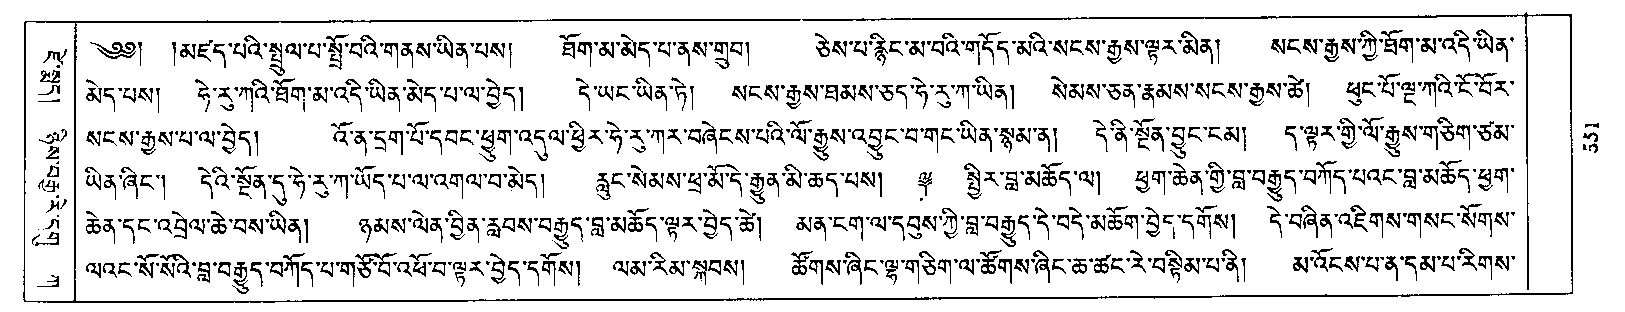༄༅། །མཛད་པའི་སྤྲུལ་པ་སྤྲོ་བའི་གནས་ཡིན་པས། ཐོག་མ་མེད་པ་ནས་གྲུབ། ཅེས་པ་རྙིང་མ་བའི་གདོད་མའི་སངས་རྒྱས་ལྟར་མིན། སངས་རྒྱས་ཀྱི་ཐོག་མ་འདི་ཡིན་
མེད་པས། ཧེ་རུ་ཀའི་ཐོག་མ་འདི་ཡིན་མེད་པ་ལ་བྱེད། དེ་ཡང་ཡིན་ཏེ། སངས་རྒྱས་ཐམས་ཅད་ཧེ་རུ་ཀ་ཡིན། སེམས་ཅན་རྣམས་སངས་རྒྱས་ཚེ། ཕུང་པོ་ལྔ་ཀའི་ངོ་བོར་
སངས་རྒྱས་པ་ལ་བྱེད། འོ་ན་དྲག་པོ་དབང་ཕྱུག་འདུལ་ཕྱིར་ཧེ་རུ་ཀར་བཞེངས་པའི་ལོ་རྒྱུས་འབྱུང་བ་གང་ཡིན་སྙམ་ན། དེ་ནི་སྔོན་བྱུང་ངམ། ད་ལྟར་གྱི་ལོ་རྒྱུས་གཅིག་ཙམ་
ཡིན་ཞིང་། དེའི་སྔོན་དུ་ཧེ་རུ་ཀ་ཡོད་པ་ལ་འགལ་བ་མེད། རླུང་སེམས་ཕྲ་མོ་དེ་རྒྱུན་མི་ཆད་པས། ༈ སྤྱིར་བླ་མཆོད་ལ། ཕྱག་ཆེན་གྱི་བླ་བརྒྱུད་བཀོད་པའང་བླ་མཆོད་ཕྱག་
ཆེན་དང་འབྲེལ་ཆེ་བས་ཡིན། ཉམས་ལེན་བྱིན་རླབས་བརྒྱུད་བླ་མཆོད་ལྟར་བྱེད་ཚེ། མན་ངག་ལ་དབུས་ཀྱི་བླ་བརྒྱུད་དེ་བདེ་མཆོག་བྱེད་དགོས། དེ་བཞིན་འཇིགས་གསང་སོགས་
ལའང་སོ་སོའི་བླ་བརྒྱུད་བཀོད་པ་གཙོ་བོ་འཕོ་བ་ལྟར་བྱེད་དགོས། ལམ་རིམ་སྐབས། ཚོགས་ཞིང་ལྷ་གཅིག་ལ་ཚོགས་ཞིང་ཆ་ཚང་རེ་བསྟིམ་པ་ནི། མ་འོངས་པ་ན་དམ་པ་རིགས་